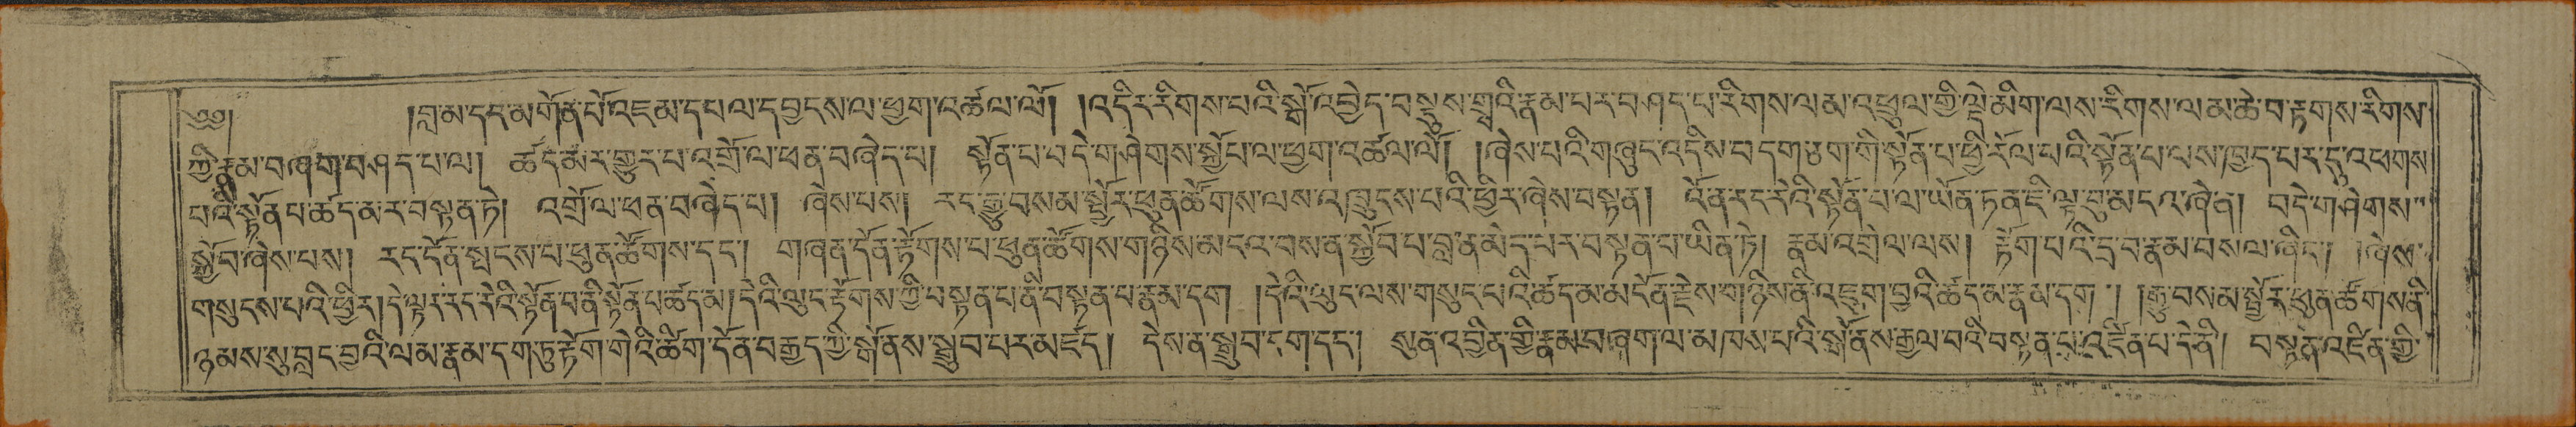༄༅། །བླ་མ་དང་མགོན་པོ་འཇམ་དཔལ་དབྱངས་ལ་ཕྱག་འཚལ་ལོ། །འདིར་རིགས་པའི་སྒོ་འབྱེད་བསྡུས་གྲྭའི་རྣམ་པར་བཤད་པ་རིགས་ལམ་འཕྲུལ་གྱི་ལྡེ་མིག་ལས་རིགས་ལམ་ཆེ་བ་རྟགས་རིགས་
ཀྱི་རྣམ་བཞག་བཤད་པ་ལ། ཚད་མར་གྱུར་པ་འགྲོ་ལ་ཕན་བཞེད་པ། སྟོན་པ་བདེ་གཤེགས་སྐྱོབ་ལ་ཕྱག་འཚལ་ལོ། །ཞེས་པའི་གཞུང་འདིས་བདག་ཅག་གི་སྟོན་པ་ཕྱི་རོལ་པའི་སྟོན་པ་ལས་ཁྱད་པར་དུ་འཕགས་
པའི་སྟོན་པ་ཚད་མར་བསྟན་ཏེ། འགྲོ་ལ་ཕན་བཞེད་པ། ཞེས་པས། རང་རྒྱུ་བསམ་སྦྱོར་ཕུན་ཚོགས་ལས་འཁྲུངས་པའི་ཕྱིར་ཞེས་བསྟན། འོ་ན་རང་རེའི་སྟོན་པ་ལ་ཡོན་ཏན་ཇི་ལྟ་བུ་མངའ་ཞེ་ན། བདེ་གཤེགས་
སྐྱོབ་ཞེས་པས། རང་དོན་སྤངས་པ་ཕུན་ཚོགས་དང་། གཞན་དོན་རྟོགས་པ་ཕུན་ཚོགས་གཉིས་མངའ་བས་ན་སྐྱོབ་པ་བླ་ན་མེད་པར་བསྟན་པ་ཡིན་ཏེ། རྣམ་འགྲེལ་ལས། རྟོག་པའི་དྲ་བ་རྣམ་བསལ་ཞིང་། །ཞེས་
གསུངས་པའི་ཕྱིར། དེ་ལྟར་རང་རེའི་སྟོན་པ་ནི་སྟོན་པ་ཚད་མ། དེའི་ལུང་རྟོགས་ཀྱི་བསྟན་པ་ནི་བསྟན་པ་རྣམ་དག །དེའི་ལུང་ལས་གསུང་པའི་ཚད་མ་མངོན་རྗེས་གཉིས་ནི་འཇུག་བྱའི་ཚད་མ་རྣམ་དག ། །རྒྱུ་བསམ་སྦྱོར་ཕུན་ཚོགས་ནི་
ཉམས་སུ་བླང་བྱའི་ལམ་རྣམ་དག་ཏུ་རྟོག་གེའི་ཚིག་དོན་བརྒྱད་ཀྱི་སྒོ་ནས་སྒྲུབ་པར་མཛད། དེས་ན་སྒྲུབ་ངག་དང་། སུན་འབྱིན་གྱི་རྣམ་བཞག་ལ་མཁས་པའི་སྒོ་ནས་རྒྱལ་བའི་བསྟན་པ་འཛིན་པ་དེ་ནི། བསྟན་འཛིན་གྱི་